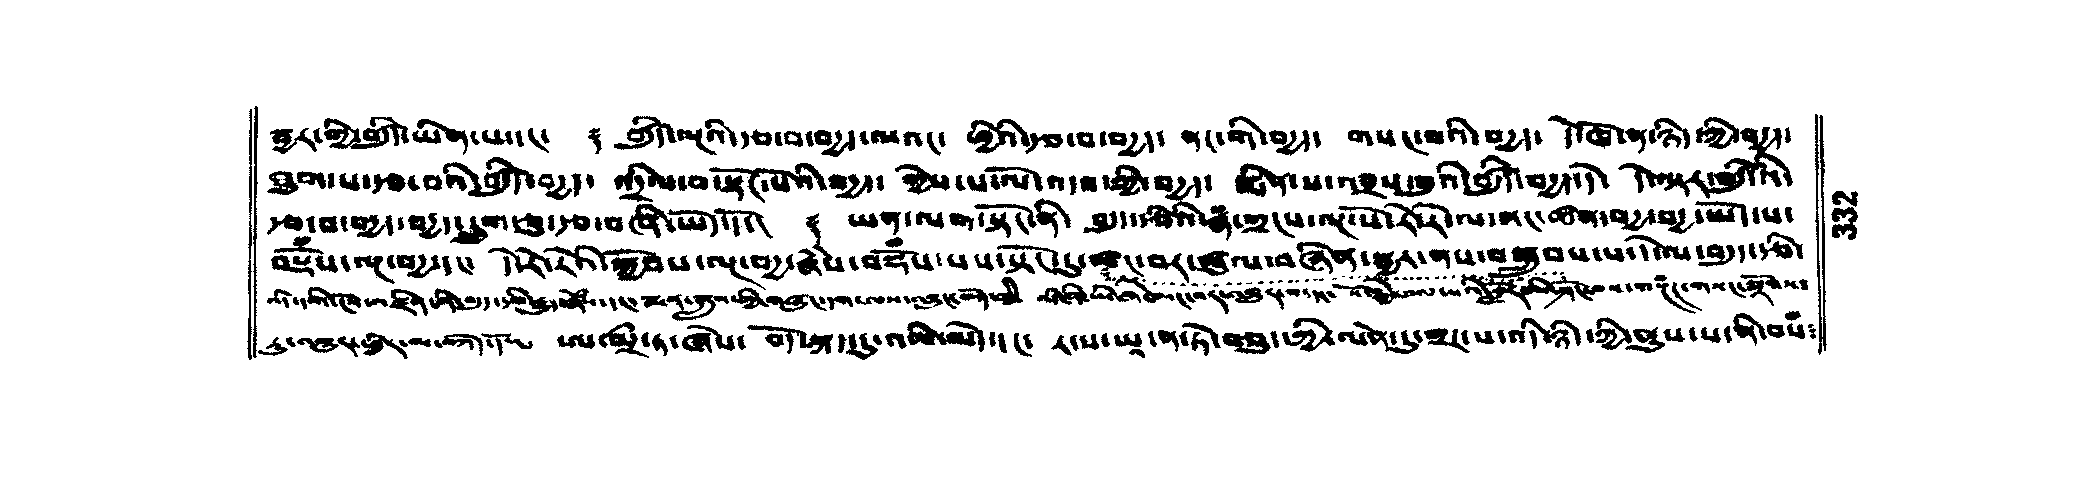སྦྱར་གྱི་བདུད་རྩི་ཡིན་པ་དང་། ༈ བདུད་རྩི་ལྔའི་རྩ་བ་བརྒྱད་ལའང་། ཕྱིའི་རྩ་བ་བརྒྱད། ནང་གི་བརྒྱད། གསང་བའི་བརྒྱད། དེ་ཁོན་ཉིད་ཀྱི་བརྒྱད། 
ཟུག་པ་རྩ་བའི་བདུད་རྩི་བརྒྱད། འདྲིལ་བ་སྟོང་པའི་བརྒྱད། གྱེས་པ་ལོ་འདབ་ཀྱི་བརྒྱད། སྨིན་པ་འབྲས་བུའི་བདུད་རྩི་བརྒྱད་དེ། དེ་ལྟར་བདུད་རྩིའི་
རྩ་བ་བརྒྱད་བརྒྱད་དྲུག་ཅུ་རྩ་བཞི་ཡོད་དོ། ༈ ཡན་ལག་སྟོང་ནི། བདུད་རྩིའི་རྣམ་གྲངས་ལྔ་པོ་རེ་རེ་ལ་ནང་ཚན་བརྒྱ་བརྒྱ་ཡོད་པ་
བསྡོམས་ལྔ་བརྒྱ་དང་། དེ་རེ་རེའི་སྐྱོབས་ལྔ་བརྒྱ་རྣམས་བསྡོམས་པས་སྟོང་དུ་ འདི་གི་ངོས་འཛིན་ནི་བདུད་རྩི་རྒྱུད་རྣམས་དང་སྣ་སྒྲུབ་ཀྱི་གཞུང་དག་ལས་འབྱུང་མོད་ཀྱི། འདི་ནི་ཡི་གེ་མང་བར་འགྱུར་བ་དང་། སོ་སྐྱེ་ཕལ་བའི་བློར་མི་ཤོང་བས་གསང་སྔགས་གསང་སྒྲོགས་ཏུ་འགྱུར་ཕྱིར་མ་བཀོད་དོ། ཚང་བར་ཚུལ་བཞིན་སྦྱར་ནས་བསྒྲུབས་པ་དེ་ལ་བདུད་རྩི་
ཨ་མྲྀ་ཏ་ཞེས། བོད་སྐད་དུ་འཆི་མེད་དང་། ར་ས་ཡཱ་ན་ཏེ་བཅུད་ཀྱི་ལེན་དུགྲགས་པ་འདི་ཉིད་ཀྱི་ནུས་པ་ནི་བསམ་